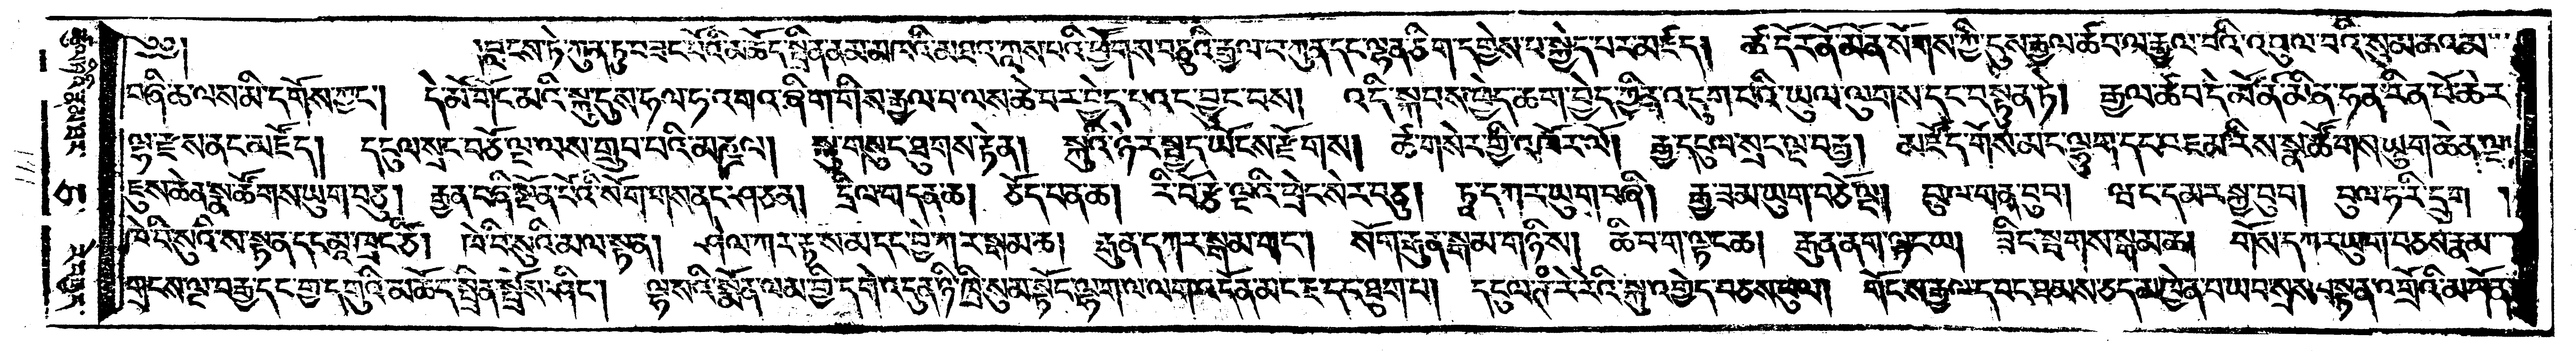༄༅། །བླངས་ཏེ་ཀུན་ཏུ་བཟང་བོའི་མཆོད་སྤྲིན་ནམ་མཁའི་མཐའ་ཀླས་པའི་ཕྱོགས་བཅུའི་རྒྱལ་བ་ཀུན་དང་ལྷན་ཅིག་དགྱེས་པ་སྐྱེད་པར་མཛད། ཚྭ་དོར་ནོ་མོན་སོགས་ཀྱི་དུས་རྒྱལ་ཚབ་ལ་རྒྱལ་བའི་འབུལ་བའི་སུམ་ཆའམ་
བཞི་ཆ་ལས་མི་དགོས་ཀྱང་། དེ་མོ་གོང་མའི་སྐུ་དུས་ཧལ་ཧ་འགའ་ཞིག་གིས་རྒྱལ་བ་ལས་ཆེ་བར་བྱེད་པའང་བྱུང་བས། འདི་སྐབས་ཕྱེད་ཆག་བྱེད་ཀྱི་ན་འདུག་པའི་ཡུལ་ལུགས་དང་བསྟུན་ཏེ། རྒྱལ་ཚབ་དེ་མོ་ནོ་མིན་ཧན་རིན་པོ་ཆེར་
ལྷ་རྫས་ནང་མཛོད། དངུལ་སྲང་བཅོ་ལྔ་ལས་གྲུབ་བའི་མཎྜལ། སྐུ་གསུང་ཐུགས་རྟེན། སྐུའི་ཉེར་སྤྱད་ཡོངས་རྫོགས། ཚ་གསེར་གྱི་འཁོར་ལོ། རྒྱ་དངུལ་སྲང་ལྔ་བརྒྱ། མཛོད་གོས་མང་ལྷུག་དང་འཇམ་རིས་སྣ་ཚོགས་ཡུག་ཆེན་ལྔ།
ཇུས་ཆེན་སྣ་ཚོགས་ཡུག་བཅུ། རྒྱན་བཞི་སྔོན་པོའི་སོག་གས་ནང་ཤ་ཅན། དྲིལ་གདན་ཆ། ཅོད་བན་ཆ། རི་བོ་རྩེ་ལྔའི་ཕྲེང་སེར་བཅུ། ཏཱ་དཀར་ཡུག་བཞི། རྒྱ་ཟམ་ཡུག་བཅོ་ལྔ། བུ་ལ་གན་བུབ། ཝང་དམར་སྐྱ་བུབ། བུལ་ཧ་རི་དྲུག །
ཁེ་བི་སུའི་ས་སྟན་དང་མཱ་ཁྲང་ཙི། ཁེ་བི་སུའི་མལ་སྟན། ཤེལ་ཀར་རྟ་སོ་མ་དང་བྱེ་ཀར་སྒམ་ཆ། རྒུན་དཀར་སྒམ་གང་། སོག་རྒུན་སྒམ་གཉིས། ཆིབ་ག་ལྟང་ཆ། རྒུན་ནག་ལྟང་ཡ། ཟིང་སྦགས་སྒམ་ཆ། གོས་དཀར་ཡུག་བཅས་རྣམ་
གྲངས་ལྔ་བརྒྱད་པེ་གྱ་དགུའི་མཆོད་སྤྲིན་སྤྲོས་ཤིང་། ལྷ་སའི་སྨོན་ལམ་གྱི་དགེ་འདུན་ཉི་ཁྲི་སུམ་སྟོང་ལྷག་ལ་ལག་འདོན་མང་ཇ་དང་ཐུག་པ། དངུལ་ཊཾ་རེ་རེའི་སྐུ་འགྱེད་བཅས་ཕུལ། གོང་ས་རྒྱལ་དབང་ཐམས་ཅད་མཁྱེན་པ་ཡབ་སྲས་བསྟན་འགྲོའི་མགོན་